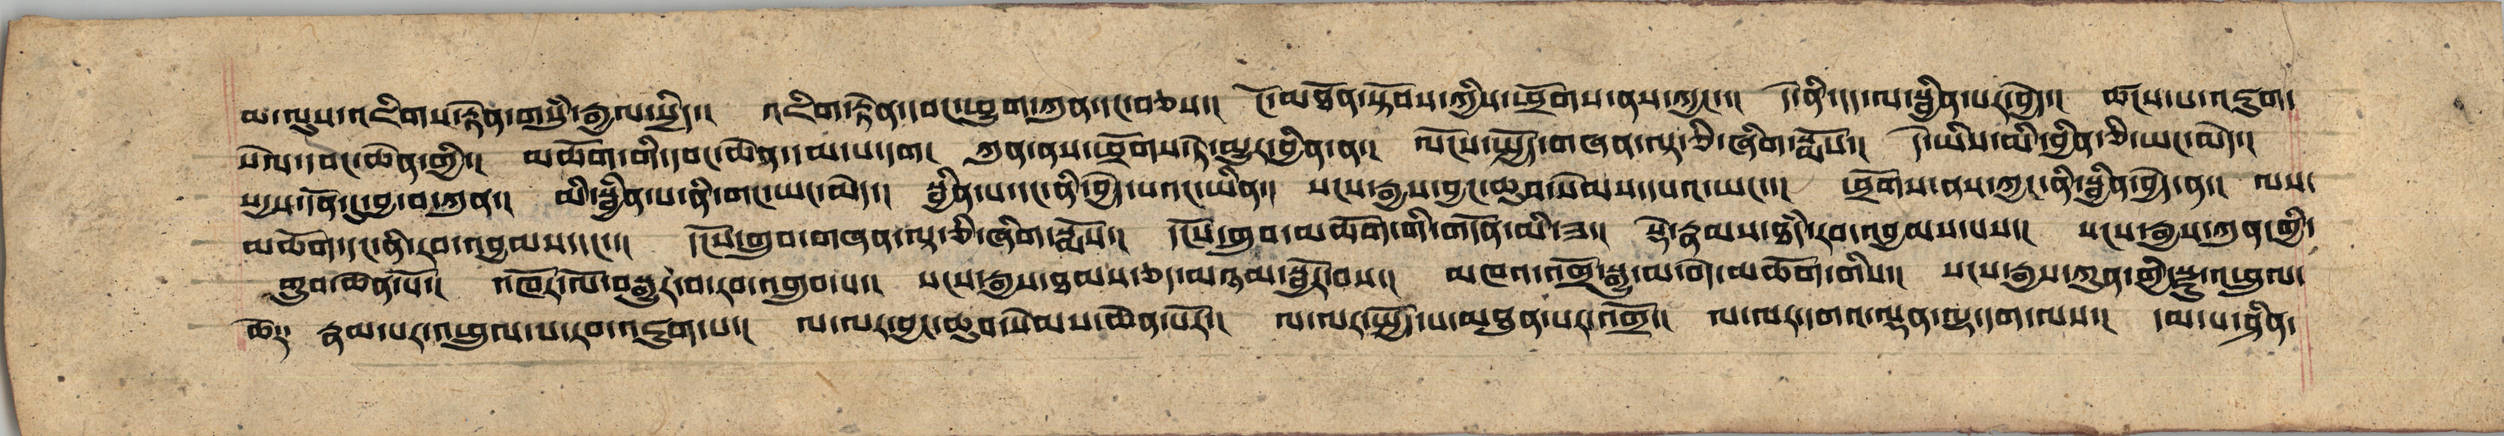མ་ལུས་འཇིགས་རྟེན་གསུཾ་རྒྱལ་སྲིད་། འཇིག་རྟེན་དབང་ཕྱུག་ཀུན་དང་བཅས་། ངོ་མཐོན་སྟོབས་ཀྱིས་ཕྲོགས་ནས་ཀྱང་་། དེ་ནི་དད་ལ་སྦྱིན་པར་བྱེད་། ཚངས་པ་འཇུག་
སེལ་དབང་ཆེན་གྱི་། མཆོག་གི་དབང་ཆེན་དམ་པ་དག། ཀུན་ནས་ཕྲོགས་ཏེ་མྱུར་བྱིན་ན་། ལོངས་སྤྱོད་གཞན་ལྟ་ཅི་ཞིག་སྨོས་། དེ་ཡིས་མི་བྱིན་ཅི་ཡང་མེད་།
སདྱས་དོན་དུ་བྱ་བ་ཀུན་། མི་སྦྱིན་པ་ནི་གང་ཡང་མེད་། སྦྱིན་པ་དང་ནི་བྱེད་པའང་ཡིན་། སངས་རྒྱས་བྱང་ཆུབ་སེམས་དཔའ་ཡང་་། ཕྲོགས་ནས་ཀྱང་ནི་སྦྱིན་བྱེད་ན་། ལས་
མཆོག་དང་ནི་རབ་འབྱམས་དང་་། དངོས་གྲུབ་གཞན་ལྟ་ཅི་ཞིག་སྨོས་། དངོས་གྲུབ་མཆོག་གི་གདོན་མི་ཟ་། སྡེ་རྣམས་ཐཾད་རབ་འབྱམས་པས་། སངས་རྒྱས་ཀུན་གྱི་
གྲུབ་ཆེན་པོ་། འཁོར་ལོ་བསྒྱུར་བ་རབ་འགྲུབ་པ་། སངས་རྒྱས་ཐམས་ཅད་མཉམ་སྦྱོར་བས་། མཁའ་འགྲོ་སྒྱུ་མ་བདེ་མཆོག་གིས་། སངས་རྒྱས་ཀུན་གྱི་སྫུ་འཕྲུལ་
ཆེ༑ རྣམ་པར་འཕྲུལ་པ་རབ་འཇུག་པ་། ལ་ལར་བྱང་ཆུབ་སེམས་ཆེན་པོར་། ལ་ལར་སྤྱོད་པ་མཐུན་པར་འགྲོ་། ལ་ལར་དགའ་ལྡན་ལྷ་དག་ལས་། དམ་པ་ཤིན་